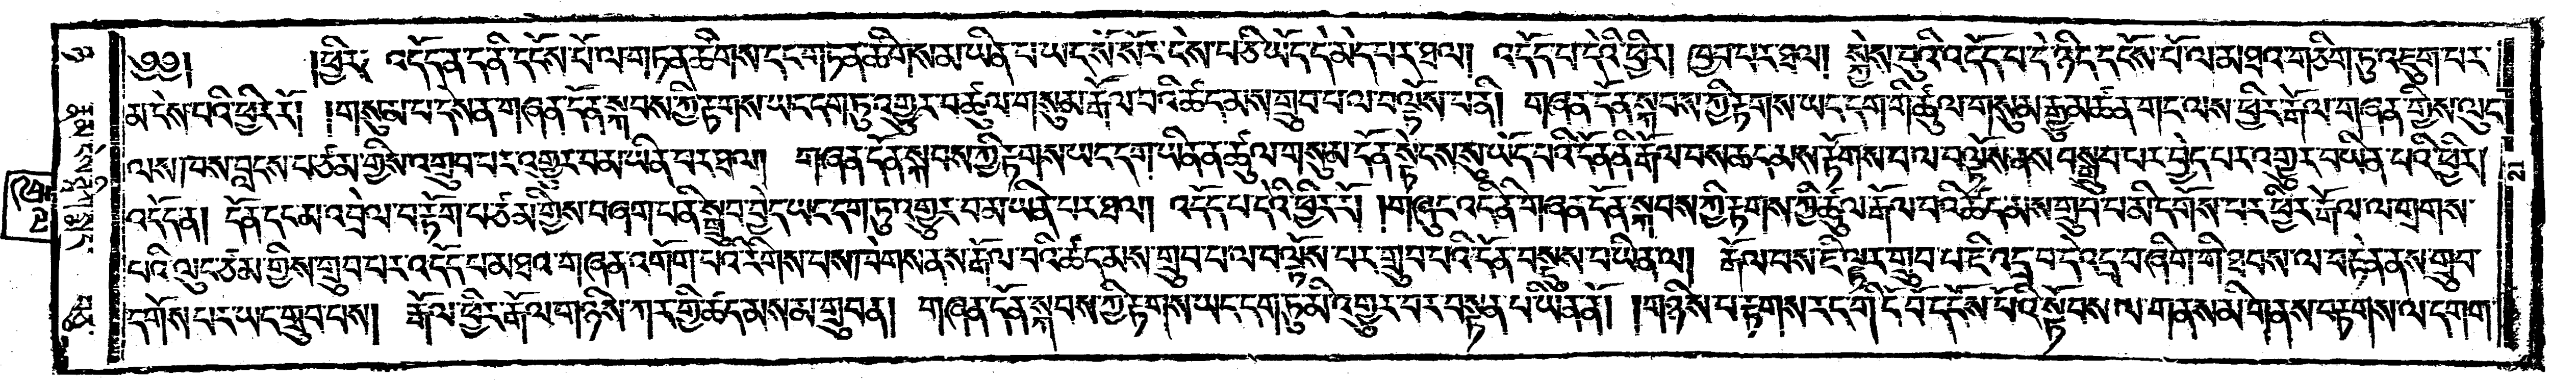༄༅། །ཕྱིར༑ འདོད་ན་ད་ནི་དངོས་པོ་ལ་གཏན་ཚིགས་དང་གཏན་ཚིགས་མ་ཡིན་པ་ཡང་སོ་སོར་ངེས་པ་ཅི་ཡོད་དེ་མེད་པར་ཐལ། འདོད་པ་དེའི་ཕྱིར། ཁྱབ་པར་ཐལ། སྐྱེས་བུའི་འདོད་པ་དེ་ཉིད་དངོས་པོ་ལ་མཐའ་གཅིག་ཏུ་འཇུག་པར་
མ་ངེས་པའི་ཕྱིར་རོ། །གསུམ་པ་དེས་ན་གཞན་དོན་སྐབས་ཀྱི་རྟགས་ཡང་དག་ཏུ་འགྱུར་བ་ཚུལ་གསུམ་རྒོལ་བའི་ཚད་མས་གྲུབ་པ་ལ་བལྟོས་པ་ནི། གཞན་དོན་སྐབས་ཀྱི་རྟགས་ཡང་དག་གི་ཚུལ་གསུམ་རྒྱུ་མཚན་གང་ལས་ཕྱིར་རྒོལ་གཞན་གྱིས་ལུང་
ལས་ཁས་བླངས་པ་ཙམ་གྱིས་འགྲུབ་པར་འགྱུར་བ་མ་ཡིན་པར་ཐལ། གཞན་དོན་སྐབས་ཀྱི་རྟགས་ཡང་དག་ཡིན་ན་ཚུལ་གསུམ་དོན་སྟེངས་སུ་ཡོད་པའི་དོན་ནི་རྒོལ་བས་ཆད་མས་རྟོགས་པ་ལ་བལྟོས་ནས་བསྒྲུབ་པར་བྱེད་པར་འགྱུར་བ་ཡིན་པའི་ཕྱིར།
འདོད་ན། དོན་དང་མ་འབྲེལ་བ་རྟོག་པ་ཙམ་གྱིས་བཞག་པ་ནི་སྒྲུབ་བྱེད་ཡང་དག་ཏུ་འགྱུར་བ་མ་ཡིན་པར་ཐལ། འདོད་པ་དེའི་ཕྱིར་རོ། །གཞུང་འདི་ནི་གཞན་དོན་སྐབས་ཀྱི་རྟགས་ཀྱི་ཚུལ་རྒོལ་བའི་ཚད་མས་གྲུབ་པ་མི་དགོས་པར་ཕྱིར་རྒོལ་ལ་གྲགས་
པའི་ལུང་ཙམ་གྱིས་གྲུབ་པར་འདོད་པ་མཐའ་གཞན་འགོག་པའི་རིགས་པས་ཁེགས་ནས་རྒོལ་བའི་ཚད་མས་གྲུབ་པ་ལ་བལྟོས་པར་གྲུབ་པའི་དོན་བསྡུས་པ་ཡིན་ལ། རྒོལ་བས་ཇི་ལྟར་གྲུབ་པ་ཇི་འདྲ་བ་དེ་འདྲ་བ་ཞིག་གི་ཐབས་ལ་བརྟེན་ནས་གྲུབ་
དགོས་པར་ཡང་གྲུབ་པས། རྒོལ་ཕྱིར་རྒོལ་གཉིས་ཀར་གྱི་ཚད་མས་མ་གྲུབ་ན། གཞན་དོན་སྐབས་ཀྱི་རྟགས་ཡང་དག་ཏུ་མི་འགྱུར་བར་བསྟན་པ་ཡིན་ནོ། །གཉིས་པ་རྟགས་རང་གི་ངོ་བོ་དངོས་པོའི་སྟོབས་ལ་གནས་མི་གནས་བརྟགས་ལ་དགག་